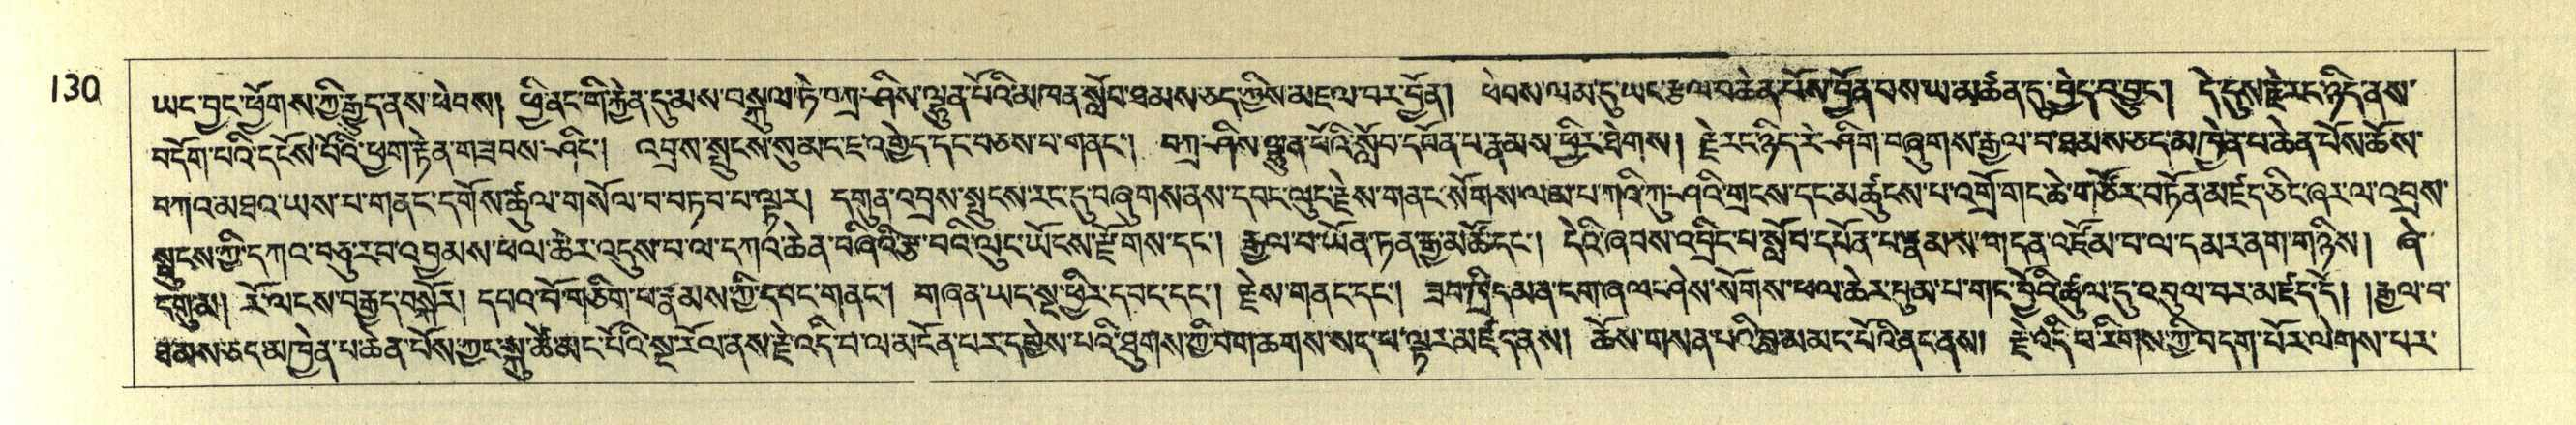ཡང་བྱང་ཕྱོགས་ཀྱི་རྒྱུད་ནས་ཕེབས། ཕྱི་ནང་གི་རྐྱེན་དུ་མས་བསྐུལ་ཏེ་བཀྲ་ཤིས་ལྷུན་པོའི་མཁན་སློབ་ཐམས་ཅད་ཀྱིས་མཇལ་བར་བྱོན། ཕེབས་ལམ་དུ་ཡང་རྩལ་བ་ཆེན་པོས་བྱོན་བས་ཡ་མཚན་དུ་བྱེད་བ་བྱུང་། དེ་དུས་རྗེ་རང་ཉིད་ནས་
བདོག་པའི་དངོས་བོའི་ཕྱག་རྟེན་གཟབས་ཤིང་། འབྲས་སྤུངས་སུ་མང་ཇ་འགྱེད་དང་བཅས་པ་གནང་། བཀྲ་ཤིས་ལྷུན་པོའི་སློབ་དཔོན་པ་རྣམས་ཕྱིར་ཐེགས། རྗེ་རང་ཉིད་རེ་ཤིག་བཞུགས་རྒྱལ་བ་ཐམས་ཅད་མཁྱེན་པ་ཆེན་པོས་ཆོས་
བཀའ་མཐའ་ཡས་པ་གནང་དགོས་ཚུལ་གསོལ་བ་བཏབ་པ་ལྟར། དགུན་འབྲས་སྤུངས་རང་དུ་བཞུགས་ནས་དབང་ལུང་རྗེས་གནང་སོགས་ལམ་པ་ཀའི་ཀུ་ཤའི་གྲངས་དང་མཚུངས་པ་འགྲོ་གང་ཆེ་གཙོར་བཏོན་མཛད་ཅིང་ཞར་ལ་འབྲས་
སྤུངས་ཀྱི་དཀའ་བཅུ་རབ་འབྱམས་ཕལ་ཆེར་འདུས་པ་ལ་དཀའ་ཆེན་བཞིའི་རྩ་བའི་ལུང་ཡོངས་རྫོགས་དང་། རྒྱལ་བ་ཡོན་ཏན་རྒྱ་མཚོ་དང་། དེའི་ཞབས་འབྲིང་པ་སློབ་དཔོན་པ་རྣམས་གདན་འཛོམ་པ་ལ་དམར་ནག་གཉིས། ཞེ་
དགུ་མ། རོ་ལངས་བརྒྱད་བསྐོར། དཔའ་བོ་གཅིག་པ་རྣམས་ཀྱི་དབང་གནང་། གཞན་ཡང་སྔ་ཕྱིར་དབང་དང་། རྗེས་གནང་དང་། ཟབ་ཁྲིད་མན་ངག་ཞལ་ཤེས་སོགས་ཕལ་ཆེར་པུམ་པ་གང་བྱོའི་ཚུལ་དུ་འབུལ་བར་མཛད་དོ། །རྒྱལ་བ་
ཐམས་ཅད་མཁྱེན་པ་ཆེན་པོས་ཀྱང་སྐུ་ཚེ་མང་པོའི་སྔ་རོལ་ནས་རྗེ་འདི་བ་ལ་མངོན་པར་དགྱེས་པའི་ཐུགས་ཀྱི་བག་ཆགས་སད་པ་ལྟར་མཛད་ནས། ཆོས་གསན་པའི་བླ་མ་མང་པོའི་ནང་ནས། རྗེ་འདི་ཕ་རིགས་ཀྱི་བདག་པོར་ལེགས་པར་